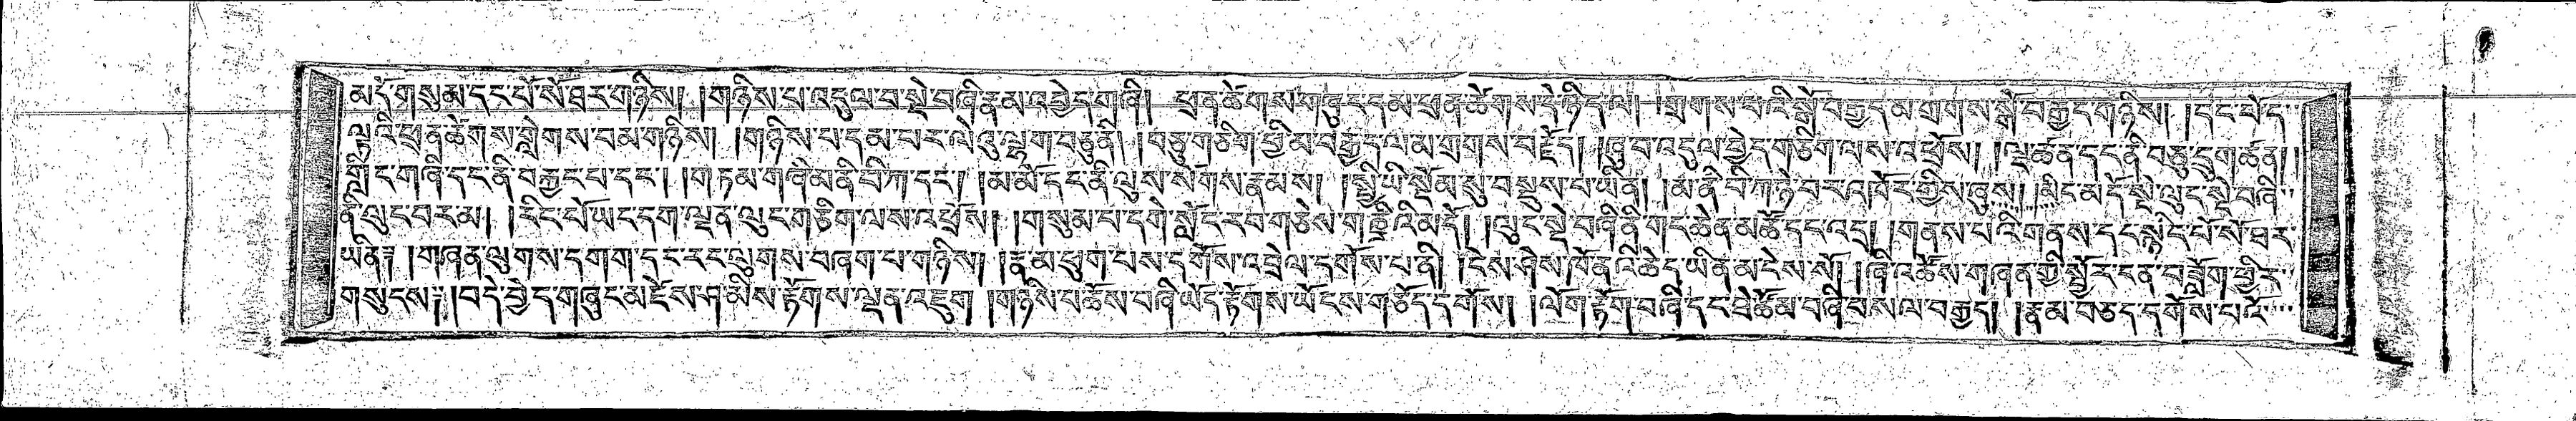མདོ་གསུམ་དང་པོ་སོ་ཐར་གཉིས། །གཉིས་པ་འདུལ་བ་སྡེ་བཞི་རྣམ་འབྱེད་གཞི། ཕྲན་ཚེགས་གཞུང་དམ་ཕྲན་ཚེགས་དེ་ཉིད་ལ། །གྲགས་པའི་སྒོ་བརྒྱད་མ་གྲགས་སྒོ་བརྒྱད་གཉིས། །དང་པོ་ད་
ལྟའི་ཕྲན་ཚེགས་གླེགས་བམ་གཉིས། །གཉིས་པ་དམ་པར་ལེའུ་ལྷག་བཅུ་ནི། །བཅུ་གཅིག་ཕྱི་མ་བརྒྱད་ལ་མ་གྲགས་བརྗོད། །ཞུ་བ་འདུལ་བྱེད་གཅིག་ལས་འཕྲོས། །ལྔ་ཚན་དང་ནི་བཅུ་དྲུག་ཚན། །
གླིང་གཞི་དང་ནི་བརྐྱང་པ་དང་། །གཏམ་གཞི་མ་ནི་བི་ཀ་དང་། །མ་མོ་དང་ནི་ལུས་སོགས་རྣམས། །སྤྱི་ཡི་སྡོམ་སུ་བསྡུས་པ་ཡིན། །མ་ནི་བི་ཀ་ཉེ་བར་འཁོར་གྱིས་ཞུས། །མིང་མདོ་སྡེ་ལུང་སྡེ་བཞི་
ནི་ལུང་བར་མ། །རིང་པོ་ཡང་དག་ལྡན་ལུང་གཅིག་ལས་འཕྲོས། །གསུམ་པ་དགེ་སློང་རབ་གཅེས་གཎྜིའི་མདོ། །ལུང་སྡེ་བཞི་ནི་གང་ཆེན་མཚོ་དང་འདྲ། །གནས་པའི་གནས་དང་སྙིང་པོ་སོ་ཐར་
ཡིན༑ །གཞན་ལུགས་དགག་དང་རང་ལུགས་བཞག་པ་གཉིས། །རྣ་མ་ཕུག་པས་དགོས་འབྲེལ་དགོས་པ་ནི། །ངེས་ཤེས་ཁོ་ནའི་ཆེད་ཡིན་མ་ངེས་སོ། །ཞི་འཚོས་གཞན་གྱི་སྦྱོར་ངན་བཟློག་ཕྱིར་
གསུངས༑ །བདེ་བྱེད་གཞུང་མཛེས་ཤ་མིས་རྟོགས་ལྡན་འཇུག །གཉིས་པ་ཆོས་བཞི་ཡོད་རྟོགས་ཡོངས་གཅོད་དགོས། །ལོག་རྟོག་བཞི་དང་ཐེ་ཚོམ་བཞི་བསལ་བརྒྱད། །རྣམ་བཅད་དགོས་པའོ་